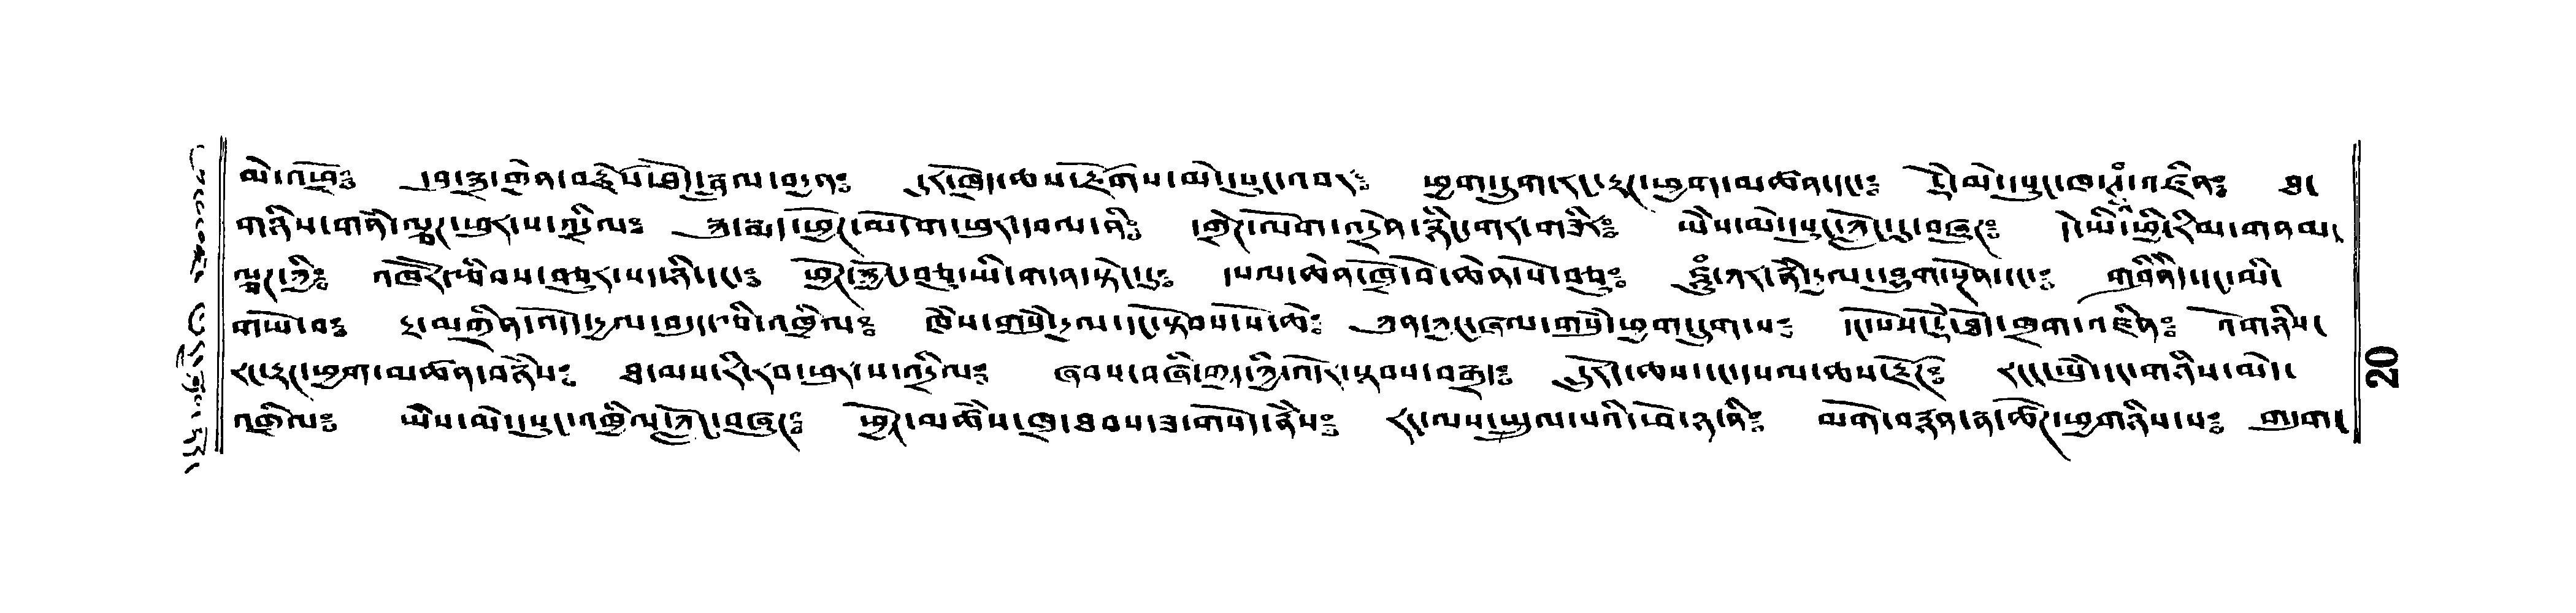མེ་འཕྲོ༔ དབུ་སྐྲ་གྱེན་བརྫེས་ཐོད་སྦྲུལ་བརྒྱན༔ དུར་ཁྲོད་ཆས་རྫོགས་མེ་དཔུང་འབར༔ ཕྱག་དྲུག་རང་རྟགས་ཕྱག་མཚན་དང༔ རྡོ་རྗེ་མེ་དཔུང་ཁ་ཊཱཾ་འཛིན༔ མཐའ་
གཉིས་གནམ་ལྕགས་ཕུར་པ་འདྲིལ༔ སྐུ་སྨད་ཕྱོགས་མདོག་ཕུར་དབལ་ནི༔ དགྲ་བགེགས་ལོག་འདྲེན་སྙིང་གར་གཟིར༔ ཡེ་ཤེས་མེ་དཔུང་ཀློང་དུ་བཞུགས༔ དེ་ཡི་ཕྱི་རིམ་གནམ་
ལྕགས་ཀྱི༔ འཁོར་ལོ་རྩིབས་བཅུ་པད་ཉི་དང༔ ཕྱོགས་སྐྱོང་བཅུ་ཡི་གདན་སྟེང་དུ༔ དཔལ་ཆེན་ཁྲོ་བོ་ཆེན་པོ་བཅུ༔ ཧཱུྃ་ཀར་རྣམ་རྒྱལ་དབང་དབྱུུག་སྔོན་དང༔ གཤིན་རྗེ་གཤེད་དང་མི་
གཡོ་བ༔ རྟ་མགྲིན་འདོད་རྒྱལ་བདུད་རྩི་འཁྱིལ༔ ཁམས་གསུམ་རྒྱལ་དང་སྟོབས་པོ་ཆེ༔ ཀུན་ཀྱང་ཞལ་གསུམ་ཕྱག་དྲུག་པ༔ དང་པོས་རྡོ་རྗེ་ཐོད་ཁྲག་འཛིན༔ འོག་གཉིས་
རང་རྟགས་ཕྱག་མཚན་བསྣམས༔ མཐའ་མས་རི་རབ་ཕུར་པ་འདྲིལ༔ ཞབས་བཞི་གྱད་ཀྱི་འདོར་སྟབས་བསྒྲད༔ དུར་ཁྲོད་ཆས་དང་དཔལ་ཆས་རྫོགས༔ རང་རང་ཡུམ་དང་གཉིས་མེད་
འཁྲིལ༔ ཡེ་ཤེས་མེ་དཔུང་འཁྱིལ་ཀློང་བཞུགས༔ ཕྱོགས་མཚམས་ཁྲ་ཐབས་ཟ་གསོད་རྣམས༔ རང་ལས་སྤྲུལ་པའི་ཕོ་ཉ་ནི༔ མགོ་བརྙན་སྣ་ཚོགས་ཕྱག་གཉིས་པ༔ གདུག་